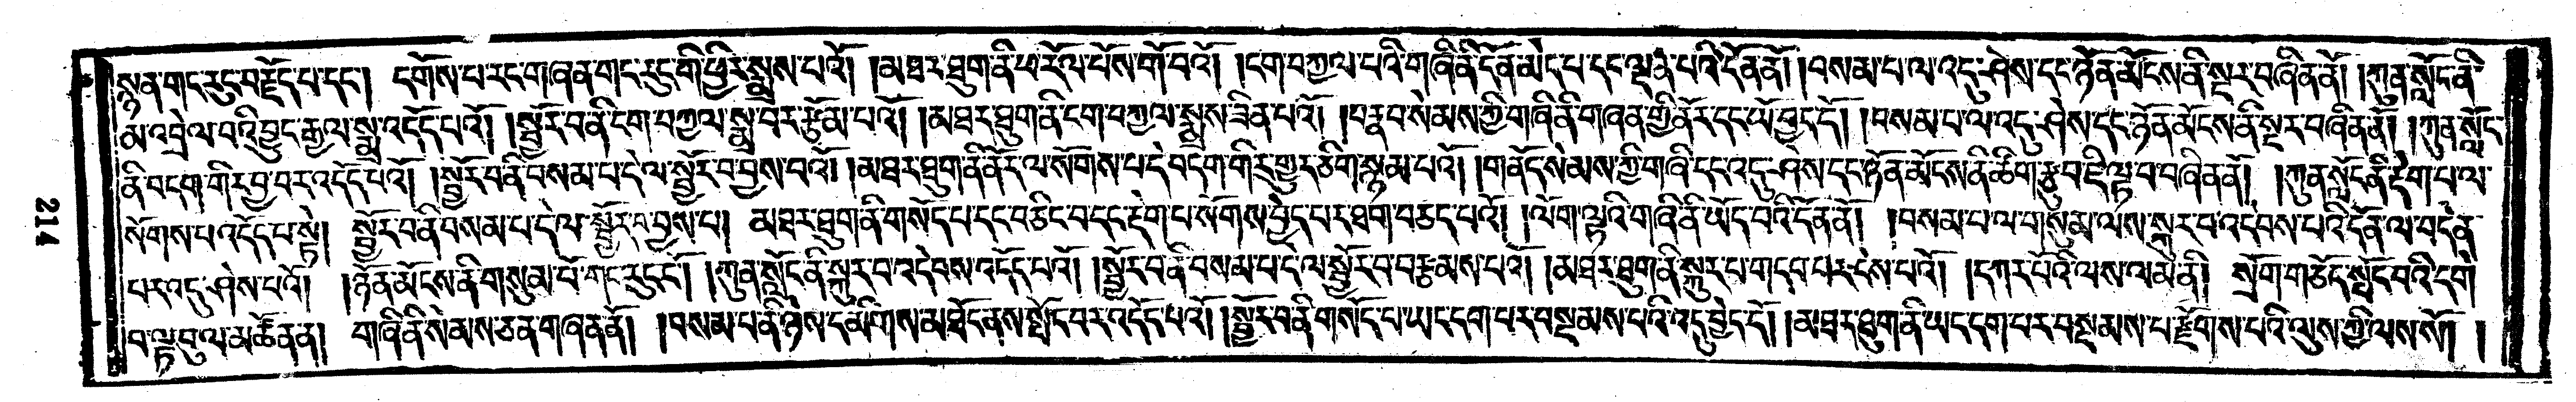སྙན་གང་རུང་བརྗོད་པ་དང་། དགོས་པ་རང་གཞན་གང་རུང་གི་ཕྱིར་སྨྲས་པའོ། །མཐར་ཐུག་ནི་ཕ་རོལ་པོས་གོ་བའོ། །དག་བཀྱལ་པའི་གཞི་ནི་དོན་མེད་པ་དང་ལྡན་པའི་དོན་ནོ། །བསམ་པ་ལ་འདུ་ཤེས་དང་ཉོན་མོངས་ནི་སྔར་བཞིན་ནོ། །ཀུན་སློང་ནི་
མ་འབྲེལ་པའི་བྱུང་རྒྱལ་སྨྲ་འདོད་པའོ། །སྦྱོར་བ་ནི་ངག་བཀྱལ་སྨྲ་བར་རྩོམ་པའོ། །མཐར་ཐུག་ནི་ངག་བཀྱལ་སྨྲས་ཟིན་པའོ། །བརྣབ་སེམས་ཀྱི་གཞི་ནི་གཞན་གྱི་ནོར་དང་ཡོ་བྱད་དོ། །བསམ་པ་ལ་འདུ་ཤེས་དང་ཉོན་མོངས་ནི་སྔར་བཞིན་ནོ། །ཀུན་སློང་
ནི་བདག་གིར་བྱ་བར་འདོད་པའོ། །སྦྱོར་བ་ནི་བསམ་པ་དེ་ལ་སྦྱོར་བ་བྱས་པའོ། །མཐར་ཐུག་ནི་ནོར་ལ་སོགས་པ་དེ་བདག་གིར་གྱུར་ཅིག་སྙམ་པའོ། །གནོད་སེམས་ཀྱི་གཞི་དང་འདུ་ཤེས་དང་ཉོན་མོངས་ནི་ཚིག་རྩུབ་ཇི་ལྟ་བ་བཞིན་ནོ། །ཀུན་སློང་ནི་རྡེག་པ་ལ་
སོགས་པ་འདོད་པ་སྟེ། སྦྱོར་བ་ནི་བསམ་པ་དེ་ལ་སྦྱོར་བ་བྱས་པ། མཐར་ཐུག་ནི་གསོད་པ་དང་བཅིང་བ་དང་རྡེག་པ་སོགས་བྱེད་པར་ཐག་བཅད་པའོ། །ལོག་ལྟའི་གཞི་ནི་ཡོད་པའི་དོན་ནོ། །བསམ་པ་ལ་གསུམ་ལས་སྐུར་བ་འདེབས་པའི་དོན་ལ་བདེན་
པར་འདུ་ཤེས་པའོ། །ཉོན་མོངས་ནི་གསུམ་པོ་གང་རུང་ངོ། །ཀུན་སློང་ནི་སྐུར་བ་འདེབས་འདོད་པའོ། །སྦྱོར་བ་ནི་བསམ་པ་དེ་ལ་སྦྱོར་བ་བརྩམས་པའོ། །མཐར་ཐུག་ནི་སྐུར་པ་གདབ་པར་ངེས་པའོ། །དཀར་པོའི་ལས་ལམ་ནི། སྲོག་གཅོད་སྤོང་བའི་དགེ་
བ་ལྟ་བུ་ལ་མཚོན་ན། གཞི་ནི་སེམས་ཅན་གཞན་ནོ། །བསམ་པ་ནི་ཉེས་དམིགས་མཐོང་ནས་སྤོང་བར་འདོད་པའོ། །སྦྱོར་བ་ནི་གསོད་པ་ཡང་དག་པར་བསྔམས་པའི་འདུ་བྱེད་དོ། །མཐར་ཐུག་ནི་ཡང་དག་པར་བསྔམས་པ་རྫོགས་པའི་ལུས་ཀྱི་ལས་སོ། །